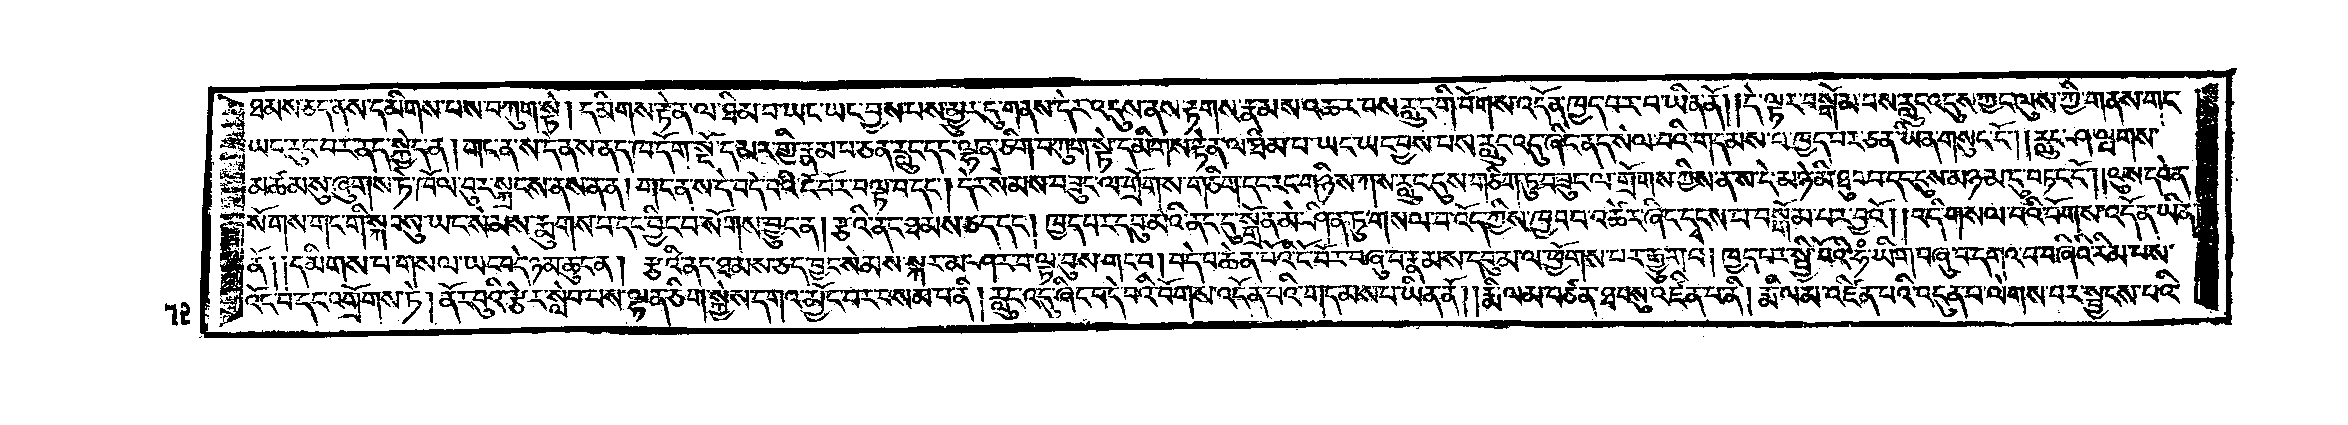ཐམས་ཅད་ནས་དམིགས་པས་བཀུག་སྟེ། དམིགས་རྟེན་ལ་ཐིམ་པ་ཡང་ཡང་བྱས་པས་མྱུར་དུ་གནས་དེར་འདུས་ནས་རྟགས་རྣམས་འཆར་བས་རླུང་གི་བོགས་འདོན་ཁྱད་པར་བ་ཡིན་ནོ། །དེ་ལྟར་བསྒོམ་པས་རླུང་འདུས་ཀྱང་ལུས་ཀྱི་གནས་གང་
ཡང་རུང་བར་ནད་སྐྱེད་ན། གང་ན་ས་དེ་ནས་ནད་ཁ་དོག་སྔོ་དམར་གྱི་རྣམ་པ་ཅན་རླུང་དང་ལྷན་ཅིག་བཀུག་སྟེ་དམིགས་རྟེན་ལ་ཐིམ་པ་ཡང་ཡང་བྱས་པས་རླུང་འདུ་ཞིང་ནད་སེལ་བའི་གདམས་པ་ཁྱད་པར་ཅན་ཡིན་གསུང་ངོ། །རླུང་ཤ་ལྤགས་
མཚམས་སུ་ཞུགས་ཏེ་ཁོལ་བུར་སྐྲངས་ནས་ན་ན། གང་ན་ས་དེ་བདེ་བའི་ངོ་བོར་བལྟ་བ་དང་། དེར་སེམས་བཟུང་ལ་གྲོགས་གཅིག་དང་རང་གཉིས་ཀས་རླུང་དུས་གཅིག་ཏུ་བཟུང་ལ་གྲོགས་ཀྱིས་ན་ས་དེ་མཉེ་མི་ཐུབ་པ་དང་དུས་མཉམ་དུ་བཏང་ངོ། །ལུས་དབེན་
སོགས་གང་གི་སྐབས་སུ་ཡང་སེམས་རྨུགས་པ་དང་བྱིང་བ་སོགས་བྱུང་ན། རྩའི་ནང་ཐམས་ཅད་དང་། ཁྱད་པར་དབུ་མའི་ནང་དུ་སྒྲོན་མེ་ཤིན་ཏུ་གསལ་བ་འོད་ཀྱིས་ཁྱབ་པ་འཚེར་ཞིང་དྭངས་པ་བསྒོམ་པར་བྱའོ། །འདི་གསལ་བའི་བོགས་འདོན་ཡིན་
ནོ། །དམིགས་པ་གསལ་ཡང་བདེ་ཉམ་ཆུང་ན། རྩའི་ནང་ཐམས་ཅད་བྱང་སེམས་སྐར་མ་ཤར་བ་ལྟ་བུས་གང་བ། བདེ་བ་ཆེན་པོའི་ངོ་བོར་བཞུ་བ་རྣམས་དབུ་མ་ལ་ཕྱོགས་པར་རྒྱུག་པ། ཁྱད་པར་སྤྱི་བོའི་ཧཾ་ཡིག་བཞུ་བ་དགའ་བ་བཞིའི་རིམ་པས་
འོང་བ་དང་འགྲོགས་ཏེ། ནོར་བུའི་རྩེར་སླེབ་པས་ལྷན་ཅིག་སྐྱེས་དགའ་མྱོང་བར་བསམ་པ་ནི། རླུང་འདུ་ཞིང་བདེ་བའི་བོགས་འདོན་པའི་གདམས་པ་ཡིན་ནོ། །རྨི་ལམ་བཙན་ཐབས་སུ་འཛིན་པ་ནི། རྨི་ལམ་འཛིན་པའི་འདུན་པ་ལེགས་པར་སྦྱངས་པའི་